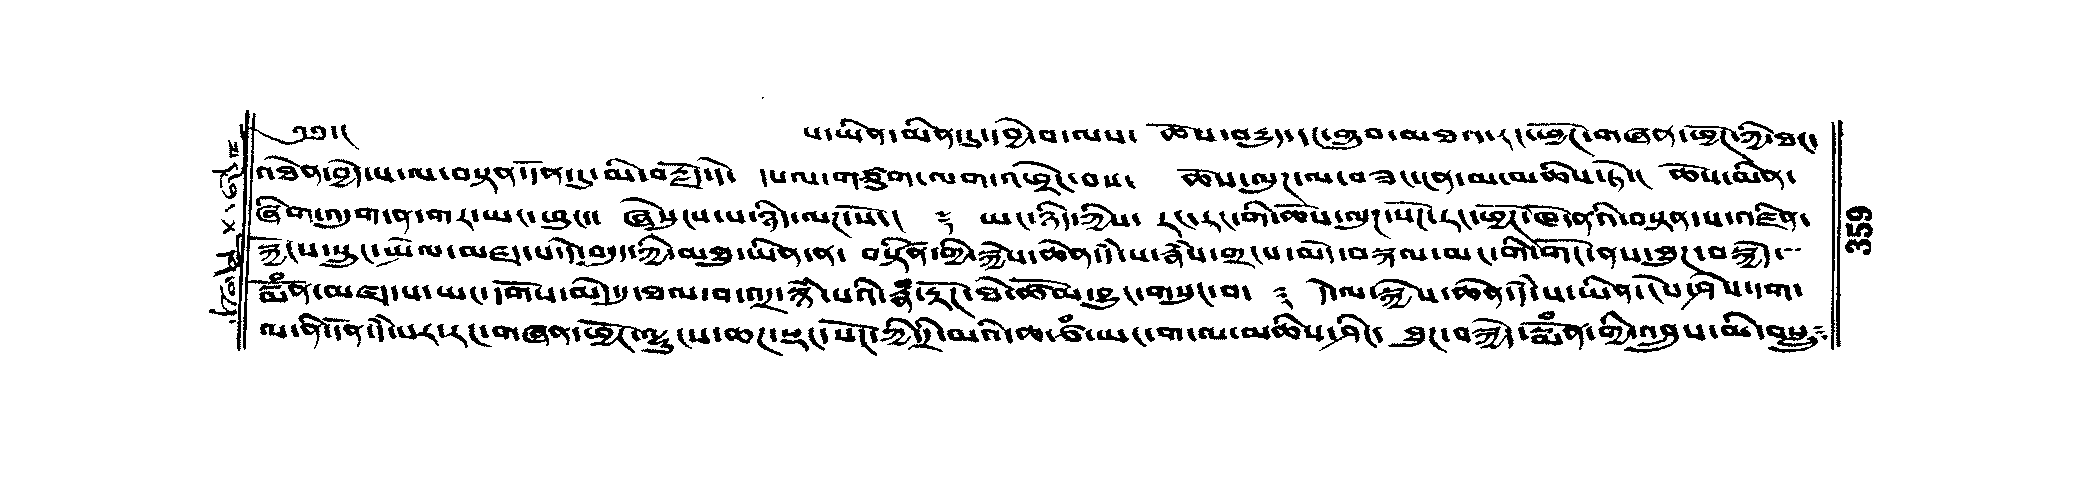་པཡིནཔམིནཔདུཔདབྱེཔབཔལས། ཆོསཔཕྱོགསཔདངཔགྲུབཔམཐའཔརངཔཕྱོགསཔགཞནཔཕྱོགསཔཀྱིཔཐང་
འཐེནཔབྱེདཔ་པལཔབསྟནཔདོནཔདུཔམིཔབརྗོདཔདེ། ད་ལཔགཙུགཔལགཔའཕྲེངཔབས། ཆོསཔལུགསཔལཔབཟངཔངནཔམཔམཆིསཔཏེ། །ཆོསཔམིན་
ཞིགཔའདུགཔནཔགརཔཡངཔཕུངཔ། ཞེསཔགསུངསཔ་པཉིདཔལགསཔསོ། ཡངཔཉིདཔཀྱིསཔརངཔརངཔགིཔཆོསཔལུགསཔསོགསཔརངཔཕྱོགསཔཁོཔནའིཔབསྟནཔ་པའཛིན་
པོངཔསྲུངཔསྤེལཔམཛདཔ་པདེཔབདུདཔཀྱིཔམཐུཔཡིནཔན། བསྟནཔའཛིནཔགྱིཔེསཔཆེནཔདམཔ་པརྣམསཔགྲངསཔམེདཔབསྐལཔམངཔགིཔགོངཔནསཔཐུགསཔབེདཔ་
སྨོནཔལམཔམཛདཔ་པཡངཔདགོསཔམེདཔདུཔཐལཔབཔའདྲཔསྙམཔ་འིཔརྣམཔརྟོགཔཐེཔཚོམཔབྱུངཔགསུངསཔབ།དེཔལཔེསཔཆེནཔདམཔ་པཡིནཔངེས་ཤེས་དག་
ལཔནིཔདོནཔདམཔ་རཔརངཔགཞནཔཕྱོགསཔལྷུངཔཆགསཔསྡངཔསོགསཔཀྱིཔདྲིཔམའིཔཆཔཙམཔཡངཔགཔལཔམཆིསཔཤིངཔ། ཐུགསཔབེདཔསྨོནཔལམཔགྱིཔའབྲསཔབུཔམིཔབསླུཔ